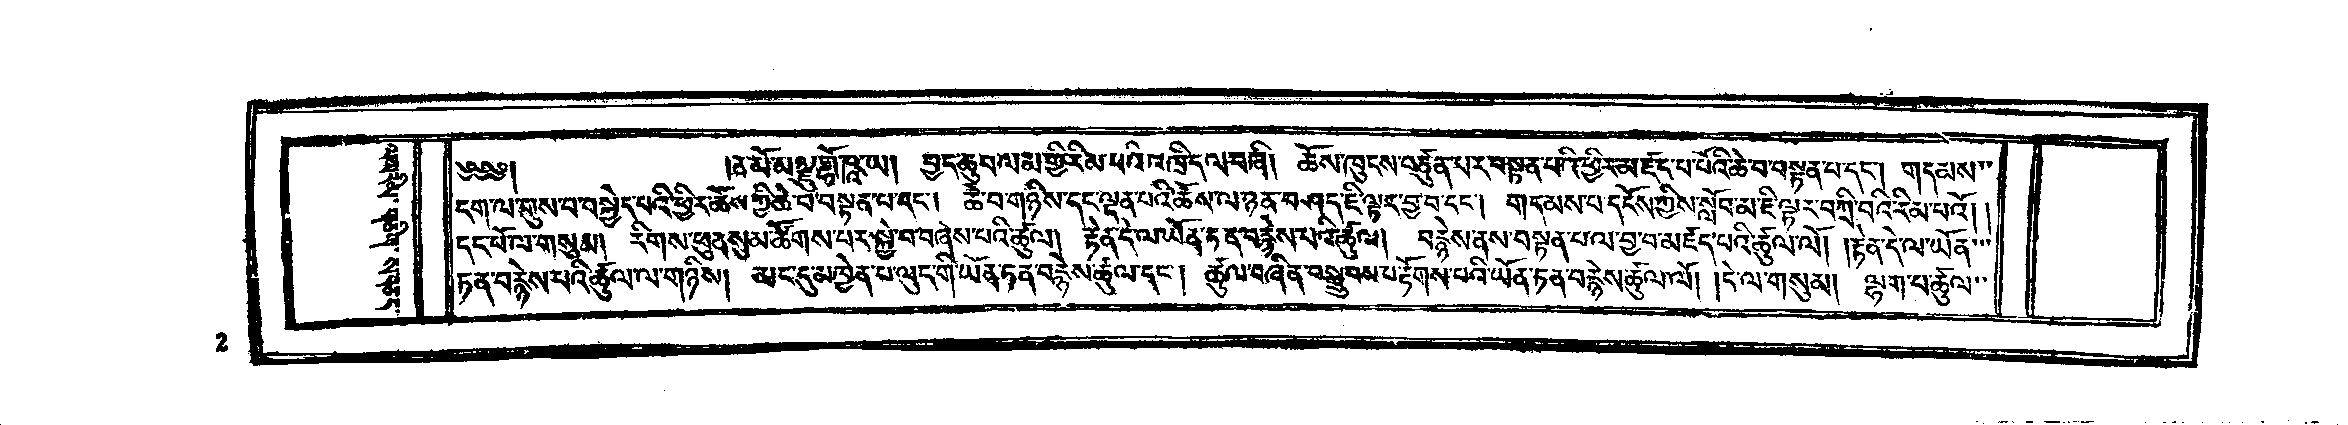༄༅༅། །ན་མོ་མཉྫུ་?་གྷོ་ཥཱ་ཡ། བྱང་ཆུབ་ལམ་གྱི་རིམ་པའི་འཁྲིད་ལ་བཞི། ཆོས་ཁུངས་བཙུན་པར་བསྟན་པའི་ཕྱིར་མཛད་པ་པོའི་ཆེ་བ་བསྟན་པ་དང་། གདམས་
ངག་ལ་གུས་པ་བསྐྱེད་པའི་ཕྱིར་ཆོས་ཀྱི་ཆེ་བ་བསྟན་པ་དང་། ཆེ་བ་གཉིས་དང་ལྡན་པའི་ཆོས་ལ་ཉན་བཤད་ཇི་ལྟར་བྱ་བ་དང་། གདམས་པ་དངོས་ཀྱིས་སློབ་མ་ཇི་ལྟར་བཀྲི་བའི་རིམ་པའོ། །
དང་པོ་ལ་གསུམ། རིགས་ཕུན་སུམ་ཚོགས་པར་སྐྱེ་བ་བཞེས་པའི་ཚུལ། རྟེན་དེ་ལ་ཡོན་ཏན་བརྙེས་པའི་ཚུལ། བརྙེས་ནས་བསྟན་པ་ལ་བྱ་བ་མཛད་པའི་ཚུལ་ལོ། །རྟེན་དེ་ལ་ཡོན་
ཏན་བརྙེས་པའི་ཚུལ་ལ་གཉིས། མང་དུ་མཁྱེན་པ་ལུང་གི་ཡོན་ཏན་བརྙེས་ཚུལ་དང་། ཚུལ་བཞིན་བསྒྲུབས་པ་རྟོགས་པའི་ཡོན་ཏན་བརྙེས་ཚུལ་ལོ། །དེ་ལ་གསུམ། ལྷག་པ་ཚུལ་